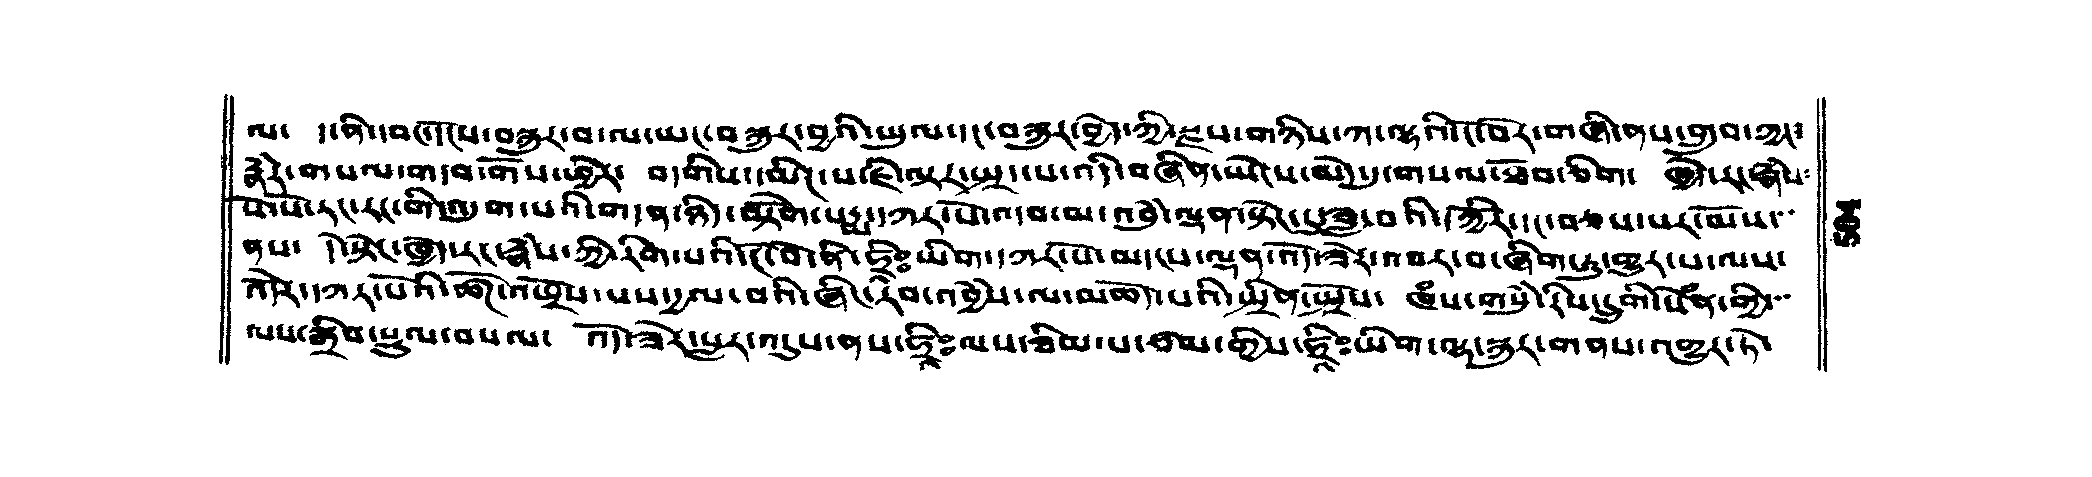ལ། ད་ནི་དབང་དངོས་བསྐུར་བ་ལ་ཡང་བསྐུར་བྱའི་ཡུལ་དང་བསྐུར་བྱེད་ཀྱི་རྫས་གཉིས་ཀ་ལྷའི་ངོ་བོར་གཞི་ནས་གྲུབ་ཀྱང་
རྣམ་པར་གསལ་གདབ་དགོས་ཕྱིར། བདག་གིས་དམིགས་པ་ཇི་ལྟར་སྤྲད་པ་འདི་བཞིན་ཡེངས་མེད་དུ་གསལ་ཐོབ་ཅིག ཁྱེད་རང་རྣམས་
སོ་སོ་རང་རང་གི་གདན་ཉིད་མེ་ཏོག་པདྨ་དཀར་པོ་ཉིད་འདབ་མ་འབུམ་ལྡན་སྟེང་དུ་ཟླ་བའི་དཀྱིལ་འཁོར་དང་བཅས་པར་མོས་
ནས།དེ་སྟེང་ཁྱེད་རང་རྣམས་ཀྱི་རིག་པའི་ངོ་བོ་ནི་ཧྲཱིཿཡིག་དཀར་པོ་མདངས་ལྡན་འོད་ཟེར་འབར་བ་ཞིག་ཏུ་གྱུར་པ་ལས་
འོད་ཟེར་དཀར་པོའི་ཚོགས་འཕྲོས་པས་རྒྱལ་བའི་ཞིང་རབ་འབྱམས་ལ་མཆོད་པའི་སྤྲིན་སྤྲོས། ཁམས་གསུམ་རིགས་དྲུག་གི་སེམས་ཅན་གྱི་
ལས་སྒྲིབ་སྡུག་བསྔལ་བསལ། འོད་ཟེར་སླར་འདུས་ནས་ཧྲཱིཿལ་ཐིམ་པ་ཙམ་གྱིས་ཧྲཱིཿཡིག་ལྷ་སྐུར་གནས་འགྱུར་ཏེ།